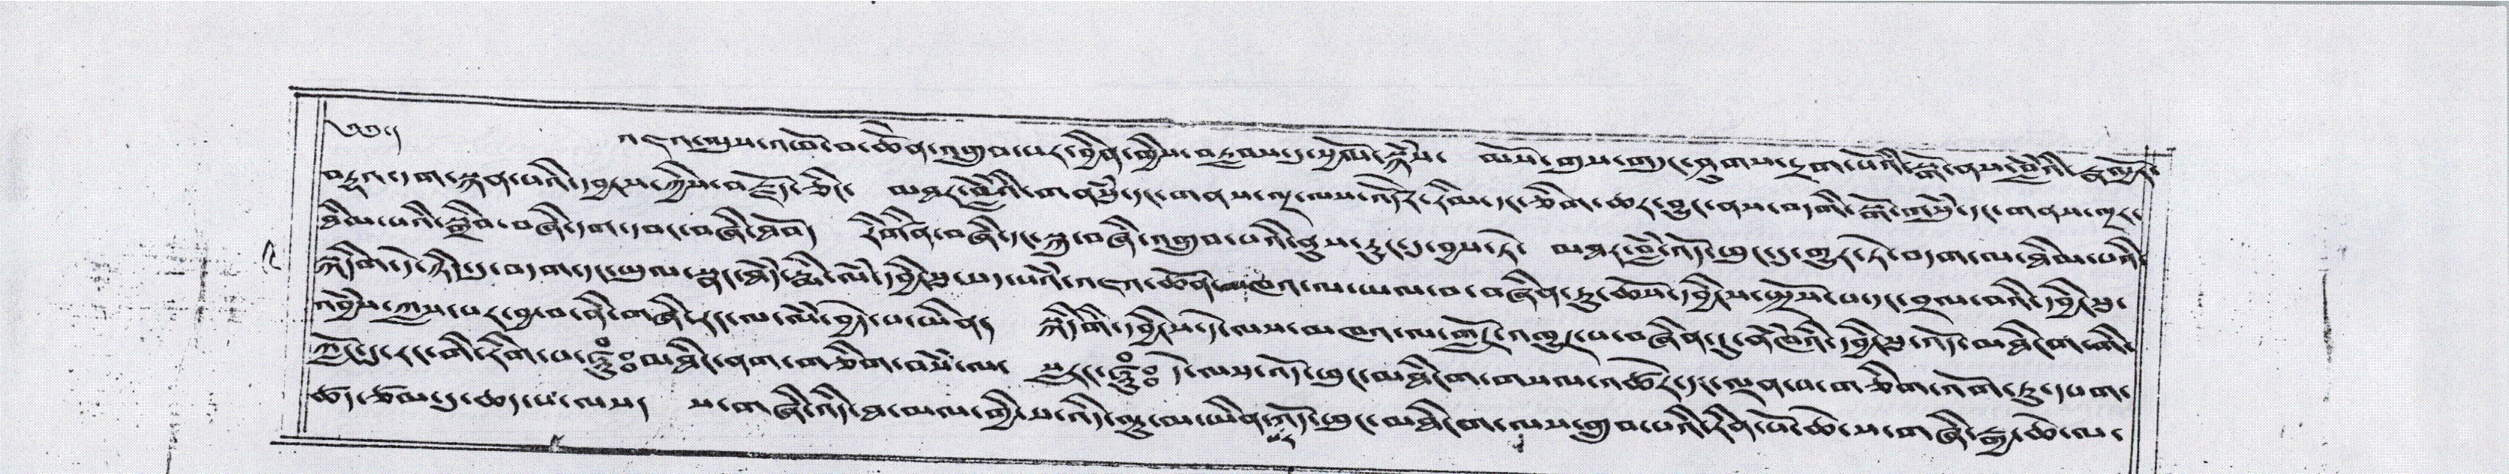འཇའ་ལུས་འཕོ་བ་ཆེན་པོ་འགྲུབ་པར་མཛད་དུ་གསོལ། སྙམ་མོིས་གུས་གདུང་ཤུགས་དྲག་པོའི་སྒོ་ནས་བླ་མའི་རྣལ་འབྱོར་
བརྡ་དག་སྙན་པའི་དབྱངས་ཀྱིས་བརྗོད་ཅིང་། མཐར་བླ་མའི་གནས་གསུམ་དང་གནས་ལྔ་ལས་འོད་ཟེར་རིམ་དང་ཅིག་ཆར་བྱུང་ནས་བདག་གི་སྒོ་གསུམ་དང་གནས་ལྔར་
ཐིམ་པས་སྒྲིབ་བཞི་དག་དབང་བཞི་ཐོབ། རིག་འཛིན་བཞི་དང་སྐུ་བཞི་འགྲུབ་པའི་ནུས་རུང་དུ་བྱས་ཏེ་མཐར་བླ་མ་འོད་ཕུང་དུ་གྱུར་ཏེ་བདག་ལ་ཐིམ་པས་
སྐད་ཅིག་དེ་ཉིད་དུ་བདག་དང་ཡུལ་སྣང་ཐམས་ཅད་རྨི་ལམ་དབྱིངས་སུ་སད་པའམ་འཇའ་ཚོན་མཁའ་ལ་ཡལ་བ་བཞིན་དུ་ཆོས་དབྱིངས་སྤྲོས་པ་དང་བྲལ་བའི་དབྱིངས་སུ་
དབྱིངས་སུ་འབྱམས་ཀླས་པར་བྱ་བ་ནི་གཞི་རང་ལ་ལམ་བྱེད་པ་ཡིན། སྐད་ཅིག་གིས་དབྱིངས་དེ་ལས་མཁའ་ལ་གློག་འཁྱུག་པ་བཞིན་དུ་ནམ་མཁའི་དབྱིངས་སུ་འོད་མཐིང་ནག་གི་
ཀློང་དུ་རང་གི་རིག་པ་འོད་མཐིང་ནག་ཅིག་བསམ་ལ། སླར་ཡང་ཧཱུཾ་དེ་ལས་འོད་དཔུང་མཐིང་ནག་གསལ་འཚེར་དང་ལྡན་པ་གཅིག་འོག་ཏུ་དཔག་
ཚད་ཙམ་དུ་ཆད་པ་ལས། ས་གཞི་འདི་ཐ་མལ་གྱི་ས་གཞི་འདི་ལྟ་བུ་མ་ཡིན་པ། འོད་ཕུང་མཐིང་ནག་ལས་གྲུབ་པའི་རིན་པོ་ཆེའི་ས་གཞི་རྒྱ་ཆེ་ལ་